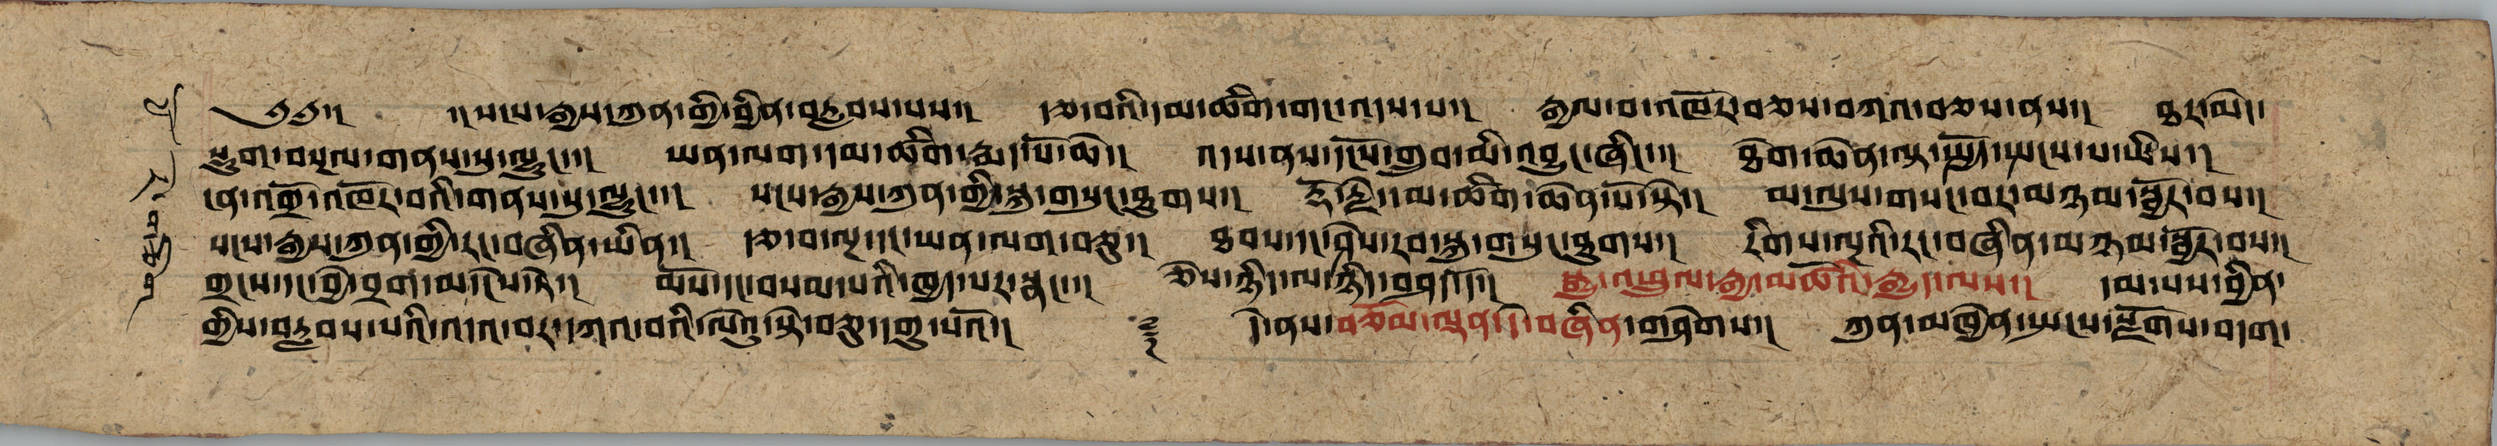༄༅་། ་།སངས་རྒྱས་ཀུན་གྱི་བྱིན་བརླབས་པས་། རྩ་བའི་དམ་ཚིག་གང་འདས་པ་། རྒྱལ་བ་འཁོར་བཅས་བཀའ་བཅས་ནས་། ཐར་མེད་
སྡུག་བསྔལ་གནས་སུ་ལྷུང་་། ཡན་ལག་དམ་ཚིག་རྨད་པོ་ཆེ་། འདས་ནས་དངོས་གྲུབ་མི་འབྱུང་ཞིང་་། ཐེག་ཆེན་ལྟ་སྤྱོད་སྤངས་པ་ཡིས་།
ངན་འགྲོ་འཁོར་བའི་གནས་སུ་ལྷུང་་། སངས་རྒྱས་ཀུན་གྱི་སྐུ་གསུང་ཐུགས་། རྡོ་རྗེ་དམ་ཚིག་ཆེན་པོ་སྟེ་། མ་ལུས་གསང་བར་མཉམ་སྦྱོར་བས་།
སངས་རྒྱས་ཀུན་གྱི་རང་བཞིན་ཡིན་། རྩ་བ་ལྔ་དང་ཡན་ལག་བཅུ་། ཐབས་དང་ཤེས་རབ་སྐུ་གསུང་ཐུགས་། རིགས་ལྔའི་རང་བཞིན་མཉམ་སྦྱོར་བས་།
གྲངས་དང་བྱེ་བྲག་མ་ངེས་ཏེ་། མོས་དང་བསམ་པའི་ཁྱད་པར་སྣང་་། ཅེས་ཉིད་ལ་ཉིད་བཤད་དོ་། སྒྱུ་འཕྲུལ་རྒྱ་མཚོའི་རྒྱུད་ལས་། དམ་པས་བྱིན་
གྱིས་བརླབས་པའི་འདའ་བར་དཀའ་བའི་ལེའུ་སྟེ་བཅུ་དགུ་པའོ་། ࿑
དེ་ནས་བཅོམ་ལྡན་དེ་བཞིན་གཤེགས་། ཀུན་མཁྱེན་སྤངས་སྫོགས་བདག་